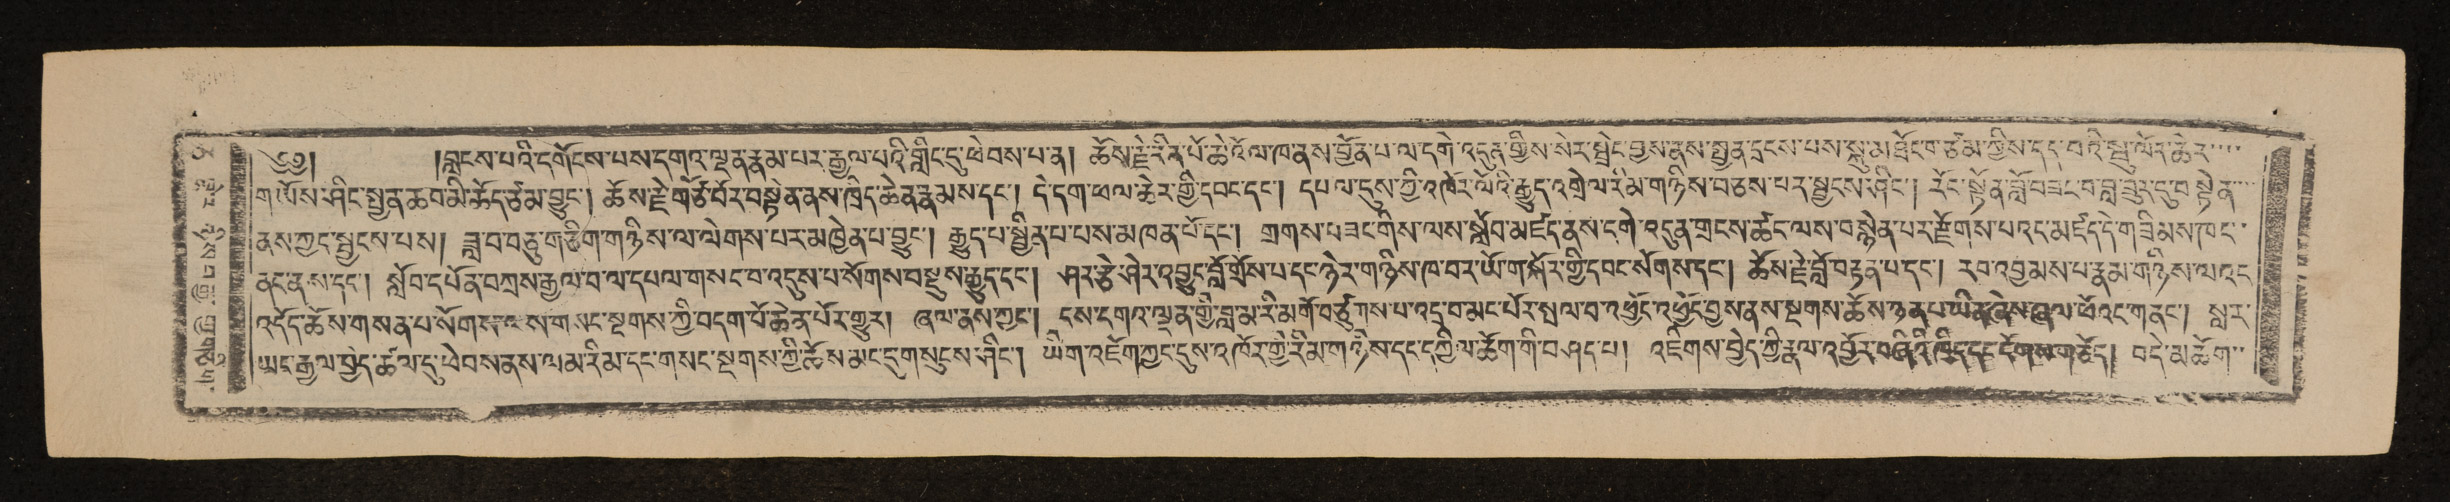༄༅། །བླངས་པའི་དགོངས་པས་དགའ་ལྡན་རྣམ་པར་རྒྱལ་བའི་གླིང་དུ་ཕེབས་པ་ན། ཆོས་རྗེ་རིན་པོ་ཆེ་འོལ་ཁ་ནས་བྱོན་པ་ལ་དགེ་འདུན་གྱིས་སེར་སྦྲེང་བྱས་ནས་སྤྱན་དྲངས་པས་སྐུ་མཐོང་བ་ཙམ་གྱིས་དད་པའི་སྤུ་ལོང་ཆེར་
གཡོས་ཤིང་སྤྱན་ཆབ་མི་ཆོད་ཙམ་བྱུང་། ཆོས་རྗེ་གཙ་བོར་བསྟེན་ནས་ཁྲིད་ཆེན་རྣམས་དང་། དེ་དག་ཕལ་ཆེར་གྱི་དབང་དང་། དཔལ་དུས་ཀྱི་འཁོར་ལོའི་རྒྱུད་འགྲེལ་རིམ་གཉིས་བཅས་པར་སྦྱངས་ཤིང་རོང་སྟོན་བློ་བཟང་བ་བླ་ཟུར་དུ་བསྟེན་
ནས་ཀྱང་སྦྱངས་པས། ཟླ་བ་བཅུ་གཅིག་གཉིས་ལ་ལེགས་པར་མཁྱེན་པ་བྱུང་། རྒྱུད་བ་སྦྱིན་པ་པས་མཁན་པོ་དང་། གྲགས་བཟང་གིས་ལས་སློབ་མཛད་ནས་དགེ་འདུན་གྲངས་ཚང་ལས་བསྙེན་པར་རྫོགས་པའང་མཛད་དེ་གཟིམས་ཁང་
ནང་ནས་དང་། སློབ་དཔོན་བཀྲས་རྒྱལ་བ་ལ་དཔལ་གསང་བ་འདུས་པ་སོགས་བསྡུས་རྒྱུད་དང་། ཤར་རྩེ་ཤེར་འབྱུང་བློ་གྲོས་པ་དང་ཉེར་གཉིས་ཁ་བར་ཡོག་སྐོར་གྱི་དབང་སོགས་དང་། ཆོས་རྗེ་བློ་བརྟན་པ་དང་། རབ་འབྱམས་པ་རྣམ་གཉིས་ལའང་
འདོད་ཆོས་གསན་པ་སོགས་ལས་གསང་སྔགས་ཀྱི་བདག་པོ་ཆེན་པོར་གྱུར། ཞལ་ནས་ཀྱང་། ངས་དགའ་ལྡན་གྱི་བླ་མ་རི་མགོ་བཙུགས་པ་འདྲ་བ་མང་པོར་སྤལ་བ་འཕྱོང་འཕྱོང་བྱས་ནས་སྔགས་ཆོས་ཉན་པ་ཡིན་ཞེས་ཞལ་ཕོའང་གནང་། སླར་
ཡང་རྒྱལ་བྱེད་ཚལ་དུ་ཕེབས་ནས་ལམ་རིམ་དང་གསང་སྔགས་ཀྱི་ཆོས་མང་དུ་གསུངས་ཤིང་། ཡིག་འཇོག་ཀྱང་དུས་འཁོར་གྱི་རིམ་གཉིས་དང་དཀྱིལ་ཆོག་གི་བཤད་པ། འཇིགས་བྱེད་ཀྱི་རྣལ་འབྱོར་བཞིའི་ཁྲིད་དང་དོགས་གཅོད། བདེ་མཆོག་